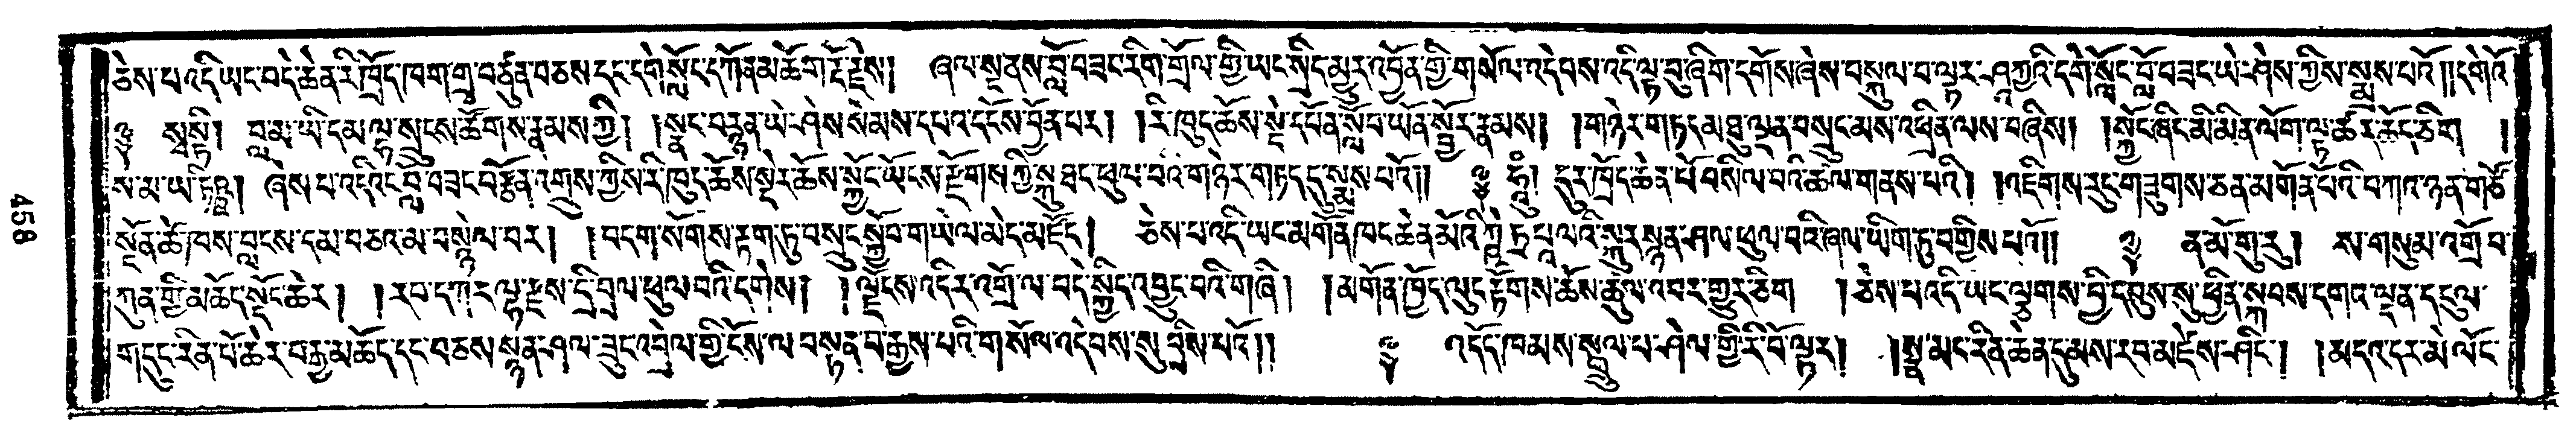ཅེས་པ་འདི་ཡང་བདེ་ཆེན་རི་ཁྲོད་ཁག་གྲྭ་བཙུན་བཅས་དང་དགེ་སློང་དཀོན་མཆོག་རྡོ་རྗེས། ཞལ་སྔ་ནས་བློ་བཟང་རིག་གྲོལ་གྱི་ཡང་སྲིང་མྱུར་འབྱོན་གྱི་གསོལ་འདེབས་འདི་ལྟ་བུ་ཞིག་དགོས་ཞེས་བསྐུལ་བ་ལྟར་ཤཱཀྱའི་དགེ་སློང་བློ་བཟང་ཡེ་ཤེས་ཀྱིས་སྨྲས་པའོ། །དགེའོ་
༈ སྭསྟི། བླ་མ་ཡི་དམ་ལྷ་སྲུངས་ཚོགས་རྣམས་ཀྱི། །སྣང་བརྙན་ཡེ་ཤེས་སེམས་དཔའ་དངོས་བྱོན་པར། །རི་ཁུད་ཆོས་སྡེ་དཔོན་སློབ་ཡོན་སྦྱོར་རྣམས། །གཉེར་གཏད་མཐུ་ལྡན་བསྲུང་མས་འཕྲིན་ལས་བཞིས། །སྐྱོང་ཞིང་མི་མིན་ལོག་ལྟ་ཚར་ཆོད་ཅིག།
ས་མ་ཡ་ཏིཥཊཿཨ། ཞེས་པ་འདིའང་བློ་བཟང་བརྩོན་འགྲུས་ཀྱིས་རི་ཁུད་ཆོས་སྡེར་ཆོས་སྐྱོང་ཡོངས་རྫོགས་ཀྱི་སྐུ་ཐང་ཕུལ་བའི་གཉེར་གཏད་དུ་སྨྲས་པའོ།། ༈ ཧཱུཾ། དུར་ཁྲོད་ཆེན་པོ་བསིལ་བའི་ཚལ་གནས་པའི། །འཇིགས་རུང་གཟུགས་ཅན་མགོན་པོའི་བཀའ་ཉན་གཙོ་
སྔོན་ཚེ་ཁས་བླངས་དམ་བཅའ་མ་བསྙེལ་བར། །བདག་སོགས་རྟག་ཏུ་བསྲུང་སྐྱོབ་གཡེལ་མེད་མཛོད། ཅེས་པ་འདི་ཡང་མགོན་ཁང་ཆེན་མོའི་ཀྵེ་ཏྲ་པཱ་ལའི་སྐུར་སྙན་ཤལ་ཕུལ་བའི་ཞལ་ཡིག་ཏུ་བགྱིས་པའོ།། ༈ ན་མོ་གུ་རུ། ས་གསུམ་འགྲོ་བ་
ཀུན་གྱི་མཆོད་སྡོང་ཆེར། །རབ་དཀར་ལྷ་རྫས་དྲི་བྲལ་ཕུལ་བའི་དགེས། །ལྗོངས་འདིར་འགྲོ་ལ་བདེ་སྐྱིད་འབྱུང་བའི་གཞི། །མགོན་ཁྱོད་ལུང་རྟོགས་ཆོས་ཚུལ་འབར་གྱུར་ཅིག །ཅེས་པ་འདི་ཡང་ལྕགས་བྱི་དབུས་སུ་ཕྱིན་སྐབས་དགའ་ལྡན་དངུལ་
གདུང་རིན་པོ་ཆེར་བརྒྱ་མཆོད་དང་བཅས་སྙན་ཤལ་ཟུང་འབྲེལ་གྱི་ངོས་ལ་བསྟན་བ་རྒྱས་པའི་གསོལ་འདེབས་སུ་བྲིས་པའོ།། ༈ འདོད་ཁམས་སྤྲུལ་པ་ཤེས་གྱི་རི་བོ་ལྟར། །སྣ་མང་རིན་ཆེན་དུ་མས་རབ་མཛེས་ཤིང་། །མདའ་དར་མེ་ལོང་